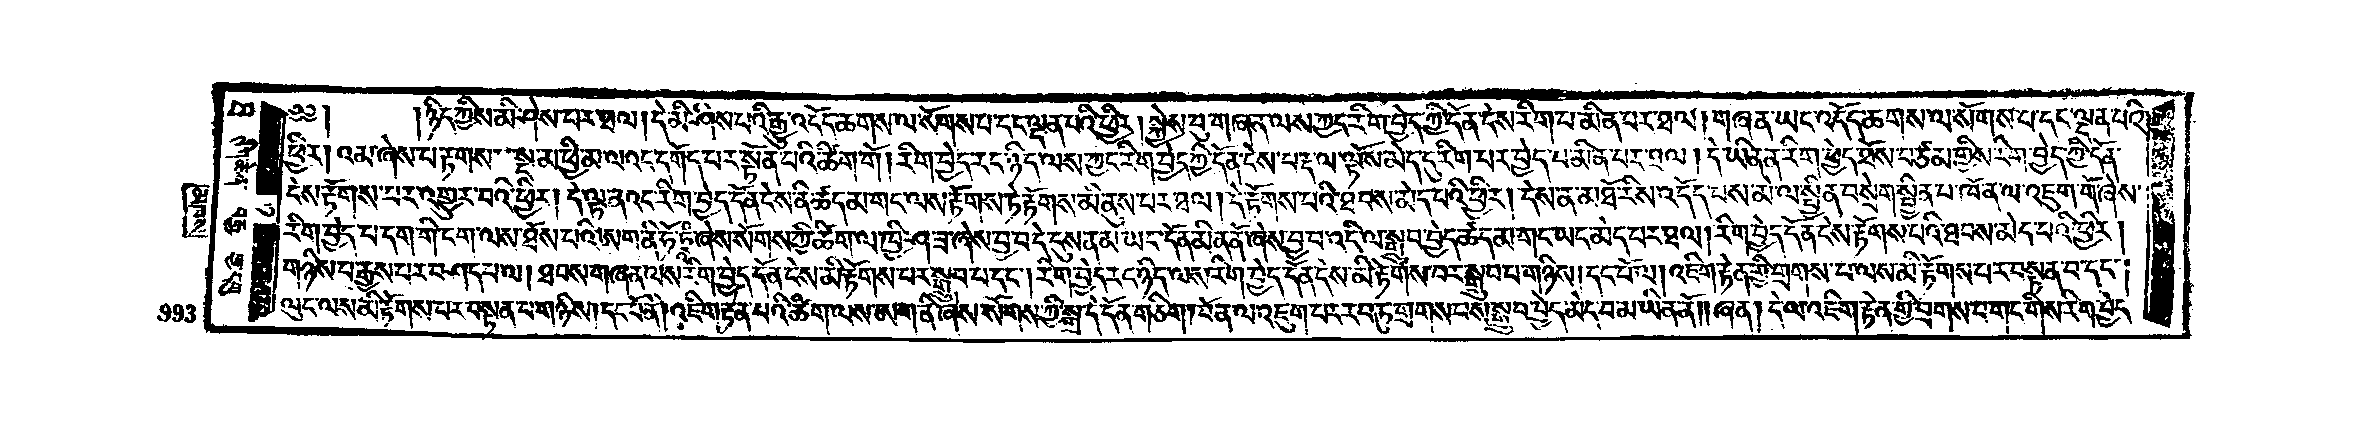༄༅། །ཉིད་ཀྱིས་མི་ཤེས་པར་ཐལ། དེ་མི་ཤིས་པའི་རྒྱུ་འདོད་ཆགས་ལ་སོགས་པ་དང་ལྡན་པའི་ཕྱིར། སྐྱེས་བུ་གཞན་ལས་ཀྱང་རིག་བྱེད་ཀྱི་དོན་དེས་རིག་པ་མིན་པར་ཐལ། གཞན་ཡང་འདོད་ཆགས་ལ་སོགས་པ་དང་ལྡན་པའི་
ཕྱིར། འམ་ཞེས་པ་རྟགས་སྔ་མ་ཕྱི་མ་ལའང་དགོད་པར་སྟོན་པའི་ཚིག་གོ །རིག་བྱེད་རྣག་ཉིད་ལས་ཀྱང་རིག་བྱེད་ཀྱི་དོན་ངེས་པ་རྡ་ལ་ལྟོས་མེད་དུ་རིག་པར་བྱེད་པ་མིན་པར་ཐལ། དེ་ཡིན་ན་རིག་ཕྱེད་ཐོས་པ་ཙམ་གྱིས་རིག་བྱེད་ཀྱི་དོན་
ངེས་རྟོགས་པར་འགྱུར་བའི་ཕྱིར། དེ་ལྟ་ནའང་རིག་བྱེད་དོན་ངེས་ནི་ཚད་མ་གང་ལས་རྟོགས་ཏེ་རྟོགས་མི་ནུས་པར་ཐལ། དེ་རྟོགས་པའི་ཐབས་མེད་པའི་ཕྱིར། དེས་ན་མཐོ་རིས་འདོད་པས་མེ་ལ་སྦྱིན་བསྲེག་སྦྱིན་པ་ཁོ་ན་ལ་འཇུག་གོ་ཞེས་
རིག་བྱེད་པ་དག་གི་ངག་ལས་ཐོས་པའི་ཨག་ནི་ཧོ་ཏྲཱཾ་ཞེས་སོགས་ཀྱི་ཚིག་ལ་ཁྱི་ཤ་ཟ་ཞེས་བྱ་བ་དེ་དུས་ནམ་ཡང་དོན་མིན་ནོ་ཞེས་བྱ་བ་འདི་ལ་སྒྲུབ་བྱེད་ཚད་མ་གང་ཡང་མེད་པར་ཐལ། རིག་བྱེད་དོན་ངེས་རྟོགས་པའི་ཐབས་མེད་པའི་ཕྱིར།
གཉིས་པ་རྒྱས་པར་བཤད་པ་ལ། ཐབས་གཞན་ལས་རིག་བྱེད་དོན་ངེས་མི་རྟོགས་པར་སྒྲུབ་པ་དང་། རིག་བྱེད་རང་ཉིད་ལས་རིག་བྱེད་དོན་དེས་མི་རྟོགས་པར་སྒྲུབ་པ་གཉིས། དང་པོ་ལ། འཇིག་རྟེན་གྱི་གྲགས་པ་ལས་མི་རྟོགས་པར་བསྟན་པ་དང་།
ལུང་ལས་མི་རྟོགས་པར་བསྟན་པ་གཉིས། དང་པོ་ནི། འཇིག་རྟེན་པའི་ཚིག་ལས་ཨག་ནི་ཞེས་སོགས་ཀྱི་སྒྲ་དེ་དོན་གཅིག་ཁོ་ན་ལ་འཇུག་པར་རབ་ཏུ་གྲགས་པས་སྒྲུབ་བྱེད་མེད་པ་མ་ཡིན་ནོ། །ཞན། དེ་ལ་འཇིག་རྟེན་གྱི་བྲགས་པ་གང་གིས་རིག་བྱེད་